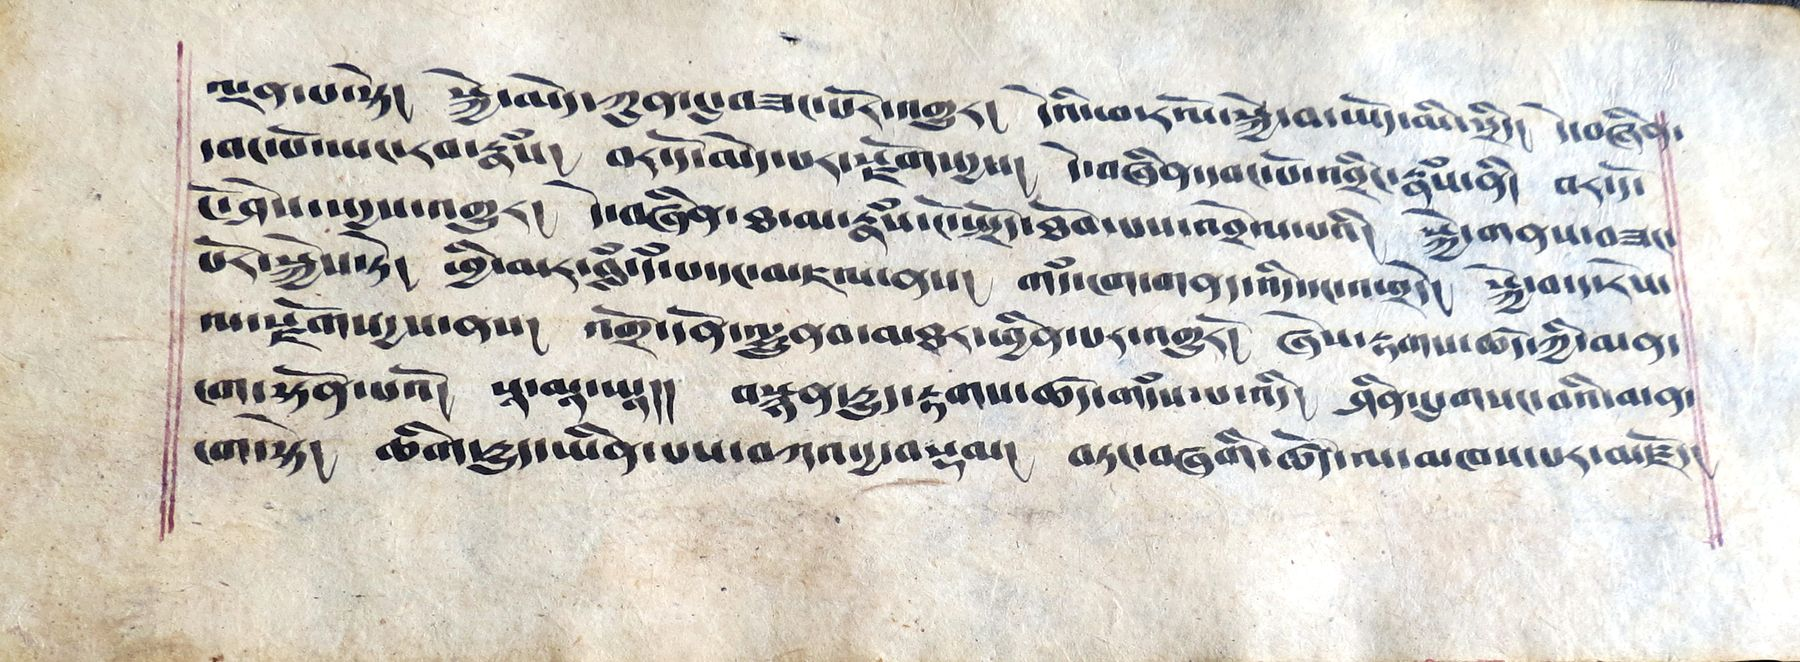ལྡན་པ་དེ། ། སྐྱེ་མེད་ཀུན་ཏུ་བཟང་པོར་འགྱུར། ། དེའི་ཕ་རོལ་སྐྱེ་བ་ཡོད་མི་སྲིད། ། དེ་བཞིན་
དབང་པོ་ཡང་རབ་རྣམས། ། བར་དོ་མེད་པར་རྫོགས་སངས་རྒྱས། ། དེ་བཞིན་དབང་པོ་འབྲིང་རྣམས་ནི། ། བར་དོར་
ངོ་ཤེས་སངས་རྒྱས་འགྱུར། ། དེ་བཞིན་དབང་པོ་ཐ་མ་རྣམས། ། ངོ་སྤྲོད་ཐོབ་པའི་འབྲེལ་བ་ཡིས། ། སྐྱེ་གནས་བཟང་
པོ་རུ་སྐྱེས་ཏེ། ། ཕྱི་མར་བླ་མ་དམ་པ་དང་མཇལ་ནས། ། གདམས་ངག་གི་གནད་འདི་དང་འཕྲད་དེ། ། སྐྱེ་བ་དེ་རེས་
ལ་རྫོགས་སངས་རྒྱས་ནས། ། འགྲོ་དོན་ལྷུན་གྲུབ་མཐར་ཕྱིན་པར་འགྱུར་རོ། ། ཞེས་རྟགས་ཚད་ཀྱི་མན་
ངག་བསྟན་པའོ། ། ས་མ་ཡ། ། སྙན་རྒྱུད་རྟགས་ཚད་གདམས་པ་འདི། ། ཤིན་ཏུ་གསང་བའི་མན་
ངག་སྟེ། ། ཆིག་རྒྱུད་ཡིན་པས་བཀའ་རྒྱ་བསྡམ། ། གཏང་བཞག་ཚད་ལ་མཁས་པར་མཛོད། །